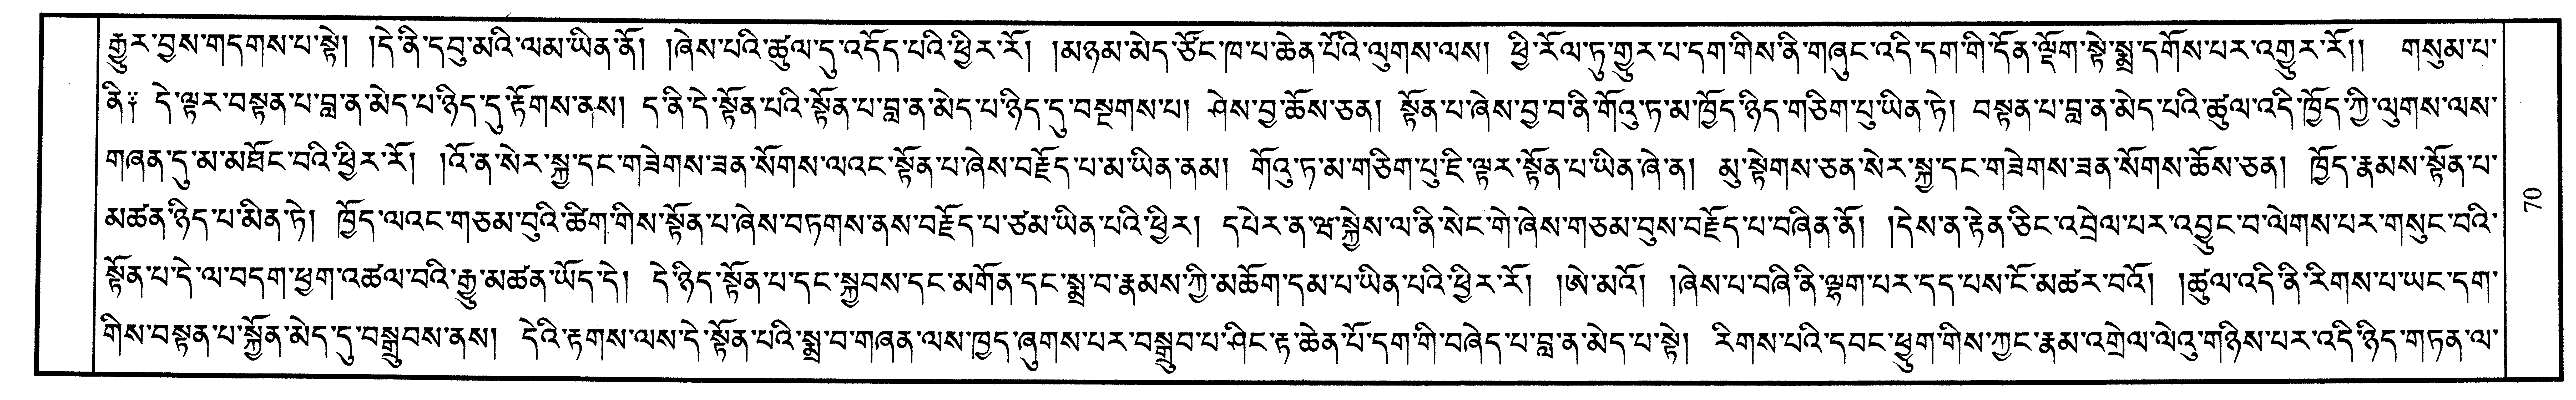རྒྱུར་བྱས་གདགས་པ་སྟེ། །དེ་ནི་དབུ་མའི་ལམ་ཡིན་ནོ། །ཞེས་པའི་ཚུལ་དུ་འདོད་པའི་ཕྱིར་རོ། །མཉམ་མེད་ཙོང་ཁ་པ་ཆེན་པོའི་ལུགས་ལས། ཕྱི་རོལ་ཏུ་གྱུར་པ་དག་གིས་ནི་གཞུང་འདི་དག་གི་དོན་ལྡོག་སྟེ་སྨྲ་དགོས་པར་འགྱུར་རོ།། གསུམ་པ་
ནི༑ དེ་ལྟར་བསྟན་པ་བླ་ན་མེད་པ་ཉིད་དུ་རྟོགས་ནས། ད་ནི་དེ་སྟོན་པའི་སྟོན་པ་བླ་ན་མེད་པ་ཉིད་དུ་བསྔགས་པ། ཤེས་བྱ་ཆོས་ཅན། སྟོན་པ་ཞེས་བྱ་བ་ནི་གོའུ་ཏ་མ་ཁྱོད་ཉིད་གཅིག་པུ་ཡིན་ཏེ། བསྟན་པ་བླ་ན་མེད་པའི་ཚུལ་འདི་ཁྱོད་ཀྱི་ལུགས་ལས་
གཞན་དུ་མ་མཐོང་བའི་ཕྱིར་རོ། །འོ་ན་སེར་སྐྱ་དང་གཟེགས་ཟན་སོགས་ལའང་སྟོན་པ་ཞེས་བརྗོད་པ་མ་ཡིན་ནམ། གོའུ་ཏ་མ་གཅིག་པུ་ཇི་ལྟར་སྟོན་པ་ཡིན་ཞེ་ན། མུ་སྟེགས་ཅན་སེར་སྐྱ་དང་གཟེགས་ཟན་སོགས་ཆོས་ཅན། ཁྱོད་རྣམས་སྟོན་པ་
མཚན་ཉིད་པ་མིན་ཏེ། ཁྱོད་ལའང་གཅམ་བུའི་ཚིག་གིས་སྟོན་པ་ཞེས་བཏགས་ནས་བརྗོད་པ་ཙམ་ཡིན་པའི་ཕྱིར། དཔེར་ན་ཝ་སྐྱེས་ལ་ནི་སེང་གེ་ཞེས་གཅམ་བུས་བརྗོད་པ་བཞིན་ནོ། །དེས་ན་རྟེན་ཅིང་འབྲེལ་པར་འབྱུང་བ་ལེགས་པར་གསུང་བའི་
སྟོན་པ་དེ་ལ་བདག་ཕྱག་འཚལ་བའི་རྒྱུ་མཚན་ཡོད་དེ། དེ་ཉིད་སྟོན་པ་དང་སྐྱབས་དང་མགོན་དང་སྨྲ་བ་རྣམས་ཀྱི་མཆོག་དམ་པ་ཡིན་པའི་ཕྱིར་རོ། །ཨེ་མའོ། །ཞེས་པ་བཞི་ནི་ལྷག་པར་དད་པས་ངོ་མཚར་བའོ། །ཚུལ་འདི་ནི་རིགས་པ་ཡང་དག་
གིས་བསྟན་པ་སྐྱོན་མེད་དུ་བསྒྲུབས་ནས། དེའི་རྟགས་ལས་དེ་སྟོན་པའི་སྨྲ་བ་གཞན་ལས་ཁྱད་ཞུགས་པར་བསྒྲུབ་པ་ཤིང་རྟ་ཆེན་པོ་དག་གི་བཞེད་པ་བླ་ན་མེད་པ་སྟེ། རིགས་པའི་དབང་ཕྱུག་གིས་ཀྱང་རྣམ་འགྲེལ་ལེའུ་གཉིས་པར་འདི་ཉིད་གཏན་ལ་